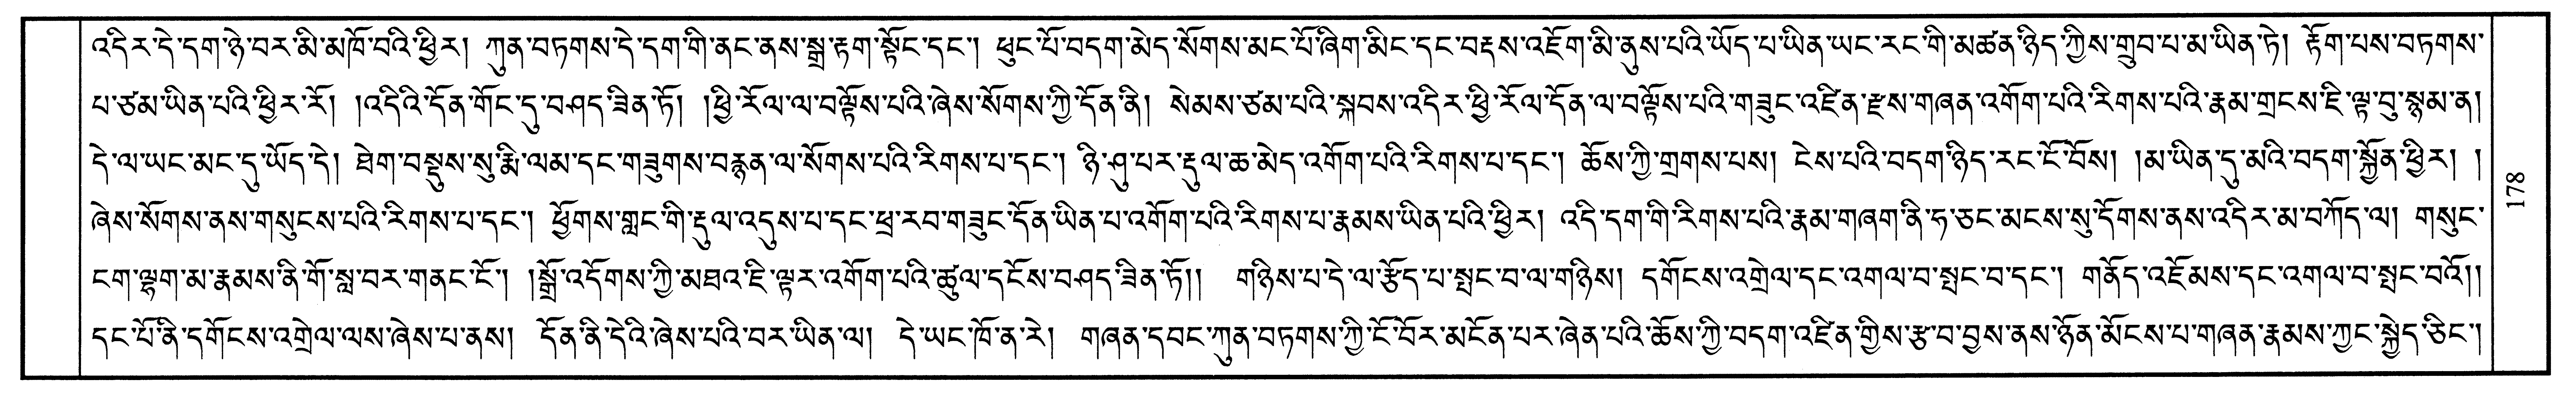འདིར་དེ་དག་ཉེ་བར་མི་མཁོ་བའི་ཕྱིར། ཀུན་བཏགས་དེ་དག་གི་ནང་ནས་སྒྲ་རྟག་སྟོང་དང་། ཕུང་པོ་བདག་མེད་སོགས་མང་པོ་ཞིག་མིང་དང་བརྡས་འཇོག་མི་ནུས་པའི་ཡོད་པ་ཡིན་ཡང་རང་གི་མཚན་ཉིད་ཀྱིས་གྲུབ་པ་མ་ཡིན་ཏེ། རྟོག་པས་བཏགས་
པ་ཙམ་ཡིན་པའི་ཕྱིར་རོ། །འདིའི་དོན་གོང་དུ་བཤད་ཟིན་ཏོ། །ཕྱི་རོལ་ལ་བལྟོས་པའི་ཞེས་སོགས་ཀྱི་དོན་ནི། སེམས་ཙམ་པའི་སྐབས་འདིར་ཕྱི་རོལ་དོན་ལ་བལྟོས་པའི་གཟུང་འཛིན་རྫས་གཞན་འགོག་པའི་རིགས་པའི་རྣམ་གྲངས་ཇི་ལྟ་བུ་སྙམ་ན།
དེ་ལ་ཡང་མང་དུ་ཡོད་དེ། ཐེག་བསྡུས་སུ་རྨི་ལམ་དང་གཟུགས་བརྙན་ལ་སོགས་པའི་རིགས་པ་དང་། ཉི་ཤུ་པར་རྡུལ་ཆ་མེད་འགོག་པའི་རིགས་པ་དང་། ཆོས་ཀྱི་གྲགས་པས། ངེས་པའི་བདག་ཉིད་རང་ངོ་བོས། །མ་ཡིན་དུ་མའི་བདག་སྐྱོན་ཕྱིར། །
ཞེས་སོགས་ནས་གསུངས་པའི་རིགས་པ་དང་། ཕྱོགས་གླང་གི་རྡུལ་འདུས་པ་དང་ཕྲ་རབ་གཟུང་དོན་ཡིན་པ་འགོག་པའི་རིགས་པ་རྣམས་ཡིན་པའི་ཕྱིར། འདི་དག་གི་རིགས་པའི་རྣམ་གཞག་ནི་ཧ་ཅང་མངས་སུ་དོགས་ནས་འདིར་མ་བཀོད་ལ། གསུང་
ངག་ལྷག་མ་རྣམས་ནི་གོ་སླ་བར་གནང་ངོ། །སྒྲོ་འདོགས་ཀྱི་མཐའ་ཇི་ལྟར་འགོག་པའི་ཚུལ་དངོས་བཤད་ཟིན་ཏོ།། གཉིས་པ་དེ་ལ་རྩོད་པ་སྤང་བ་ལ་གཉིས། དགོངས་འགྲེལ་དང་འགལ་བ་སྤང་བ་དང་། གནོད་འཇོམས་དང་འགལ་བ་སྤང་བའོ།།
དང་པོ་ནི་དགོངས་འགྲེལ་ལས་ཞེས་པ་ནས། དོན་ནི་དེའི་ཞེས་པའི་བར་ཡིན་ལ། དེ་ཡང་ཁོ་ན་རེ། གཞན་དབང་ཀུན་བཏགས་ཀྱི་ངོ་བོར་མངོན་པར་ཞེན་པའི་ཆོས་ཀྱི་བདག་འཛིན་གྱིས་རྩ་བ་བྱས་ནས་ཉོན་མོངས་པ་གཞན་རྣམས་ཀྱང་སྐྱེད་ཅིང་།